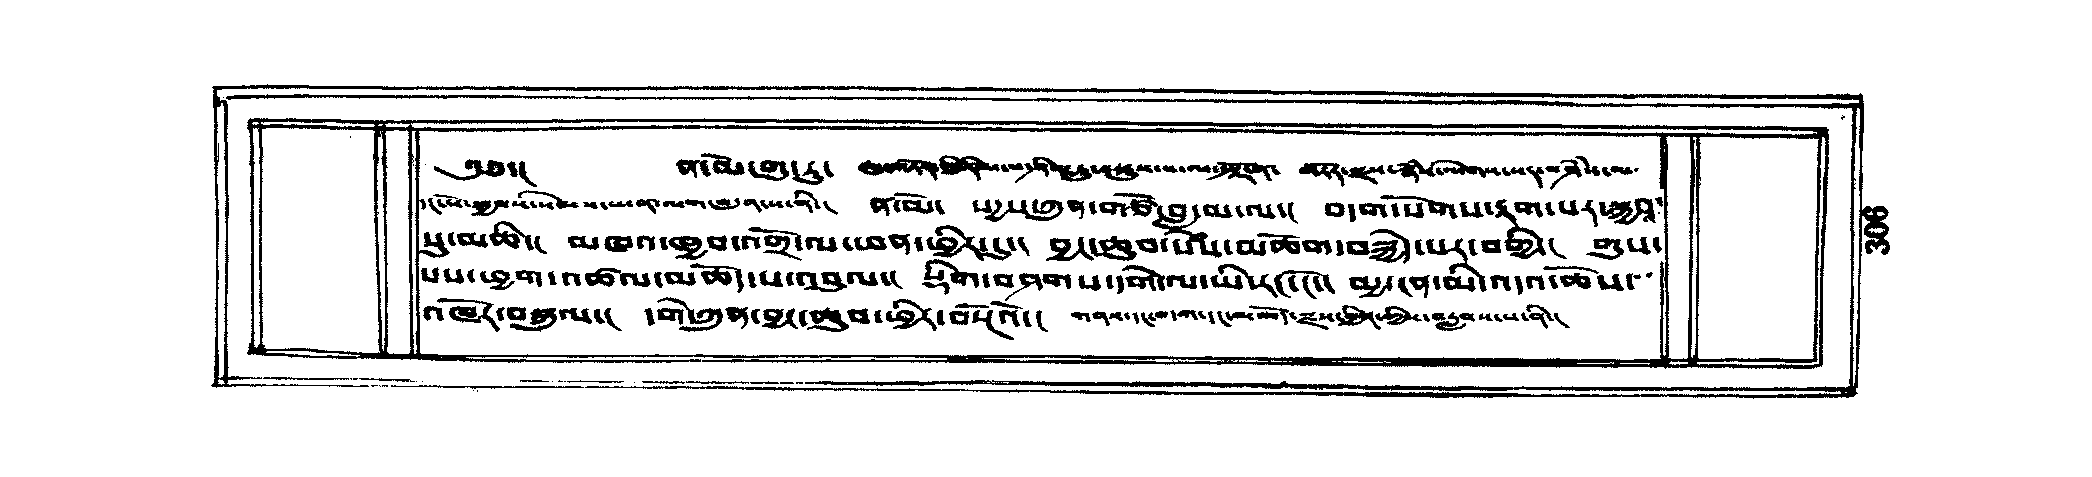ན་མོ་གུ་རུ། ཆུ་གཏོར་གྱི་རིམ་པ་ཤིན་ཏུ་བསྡུས་པ་ལ་སྤྲོ་ན། གཏོར་རྫས་རྣམས་ལེགས་པར་བཤམས་ལ། 
དང་པོ་སྐྱབས་སེམས་ཡན་ལག་བདུན་པ་ནི། ན་མོ། སངས་རྒྱས་ཀུན་གཙོ་བླ་མ་ལ། །བདག་སོགས་རྟག་པར་སྐྱབས་
སུ་མཆི། །མཁའ་ཁྱབ་འགྲོ་ལ་ཕན་ཕྱིར་དུ། །བྱང་ཆུབ་སེམས་མཆོག་བསྐྱེད་པར་བགྱི། །གུས་
པས་ཕྱག་འཚལ་མཆོད་པ་འབུལ། །སྡིག་བཤགས་དགེ་ལ་ཡི་རང་ངོ་། །མྱ་ངན་མི་འདའ་ཆོས་
འཁོར་བསྐུལ། །དགེ་ཀུན་བྱང་ཆུབ་ཕྱིར་བསྔོའོ། གནས་དང་བདག་དང་མཆོད་རྫས་བྱིན་གྱིས་བརླབས་པ་ནི།